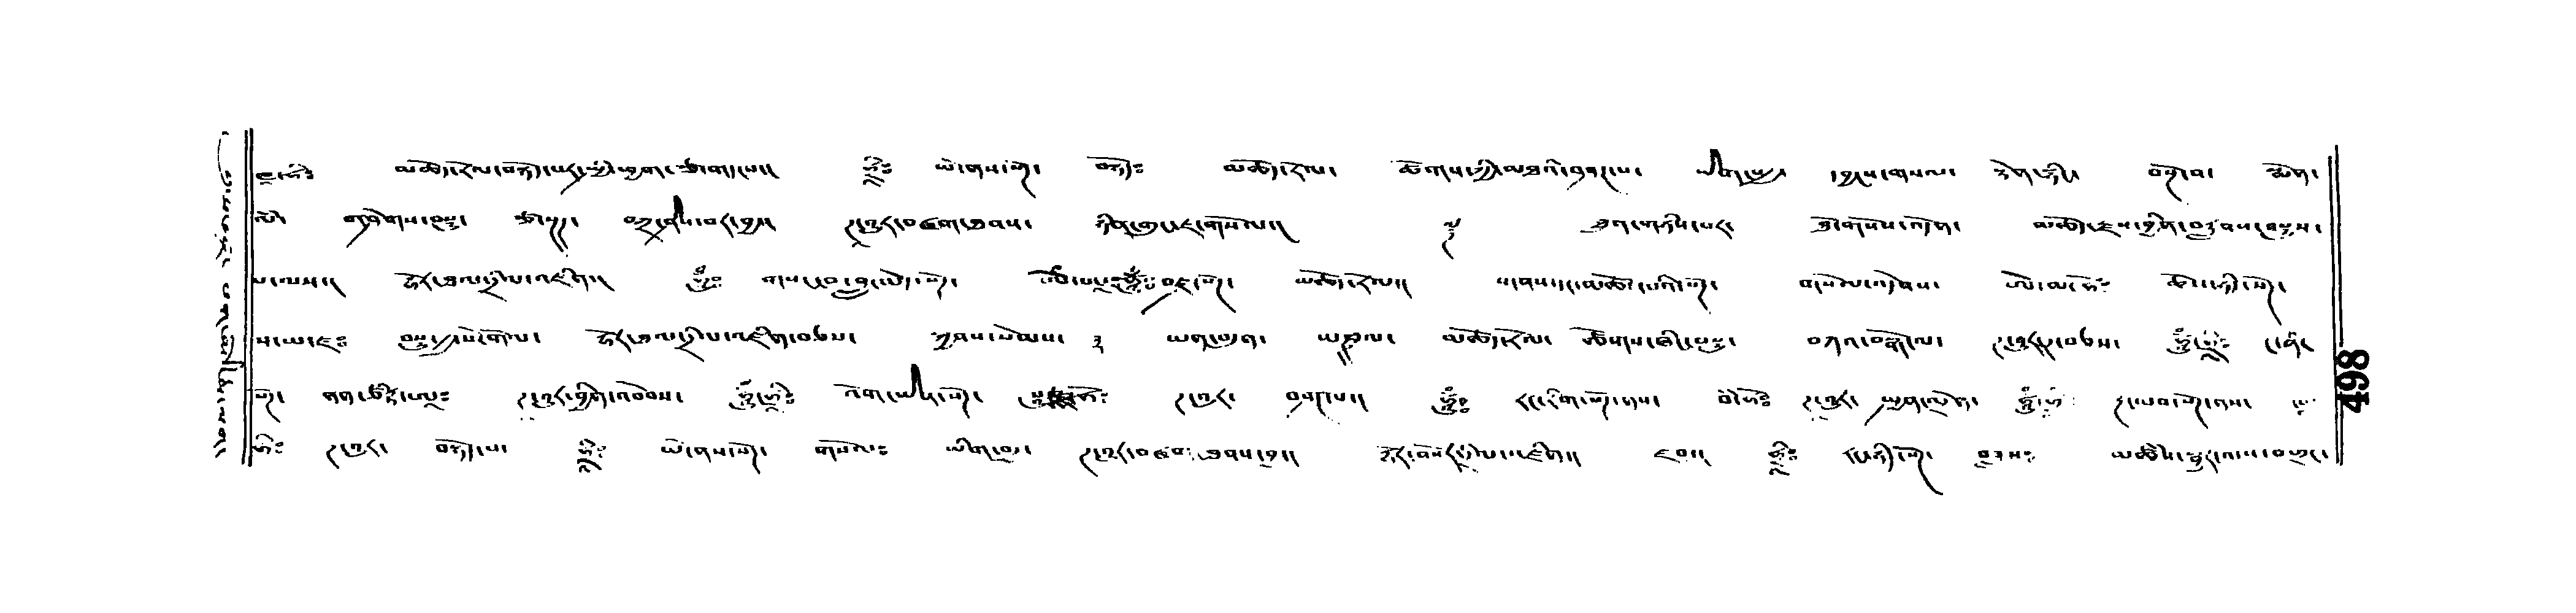ཁཱ་ཧིཿམཆོད་རོལ་བསྟོད་པར་སྤྱི་ཕྱག་རྩ་གདངས། ཧྲཱིཿ ཡེ་ནས་སོགས། བསྟོད༔ མཆོད་རོལ། ཚོགས་ཀྱི་མཐའི་བཤགས་པ། ཡིག་བརྒྱ། དབྱངས་གསལ། རྟེན་སྙིང་། བསྔོ་བ། སྨོན་
ལམ། གཤེགས་བསྡུ། རྩ་སྔགས། བཀྲ་ཤིས་བར་བྱ། ཌཱ་འུར་བཞག་ཐབས། ཉིན་གུང་ཇ་གསོལ། ༈ ཐུན་གཉིས་པར། ཐོ་གསོས་འདོན། མཆོད་རྫས་བྱིན་བརླབས་བསྡུས་
པ་ལས། རྡོར་ཐལ་དྲིལ་འཛིན། ཧཱུྃ༔ གསང་བ་བླ་མེད་སོགས། ཨོཾ་ཨཱཿཧཱུྃ༔བཛྲ་སོགས། མཆོད་རོལ། གནས་དང་མཆོད་པའི་སོགས། གསོལ་འདེབས། ཨེ་མ་ཧོཿ ཆོས་ཉིད་སོགས། 
ས་ཡ་ཛཿ བསྡུ་རྒྱ་སེ་གོལ། རྡོར་ཐལ་དྲིལ་འཛིན་བཅས། སྐྱབས་སེམས། གསུམ། ཡན་བདུན། མཎྜལ། མཆོད་རོལ། ཚོགས་ཞིང་བསྡུ། བཀའ་བསྒོ་ལ། ཌཱ་འུར་ཌཱ་བཅས། ཧཱུྃ་ཧྲཱིཿ ང་ནི་
སོགས། ནན་ཙིཏྟ་ཨཱཿ ཌཱ་འུར་བྱིན་འབེབས། ཧཱུྃ་ཧྲཱིཿ འོག་མིན་སོགས། ཌཱ་འུར། བཤགས་པ། ཧཱུྃ༔ རང་རིག་སོགས་ནས། བཾ་ཧོཿ ཌཱ་འུར། སྤྱན་འདྲེན། ཧཱུྃ་ཧྲཱིཿ རྔ་ཡབ་སོགས་ནས། ཁཱ་
ཧིཿ ཌཱ་འུར། བསྟོད་པ། ཧྲཱིཿ ཡེ་ནས་སོགས། གསོལ༔ ཡིག་བརྒྱ། ཌཱ་འུར་བཞག་ཐབས་བྱ། རྡོར་གསོར་དྲིལ་འཛིན། འཛབ། ཧྲཱིཿ རང་ཉིད་སོགས། བཟླས༔ མཚམས་སྦྱར་ལས་བགྲང་